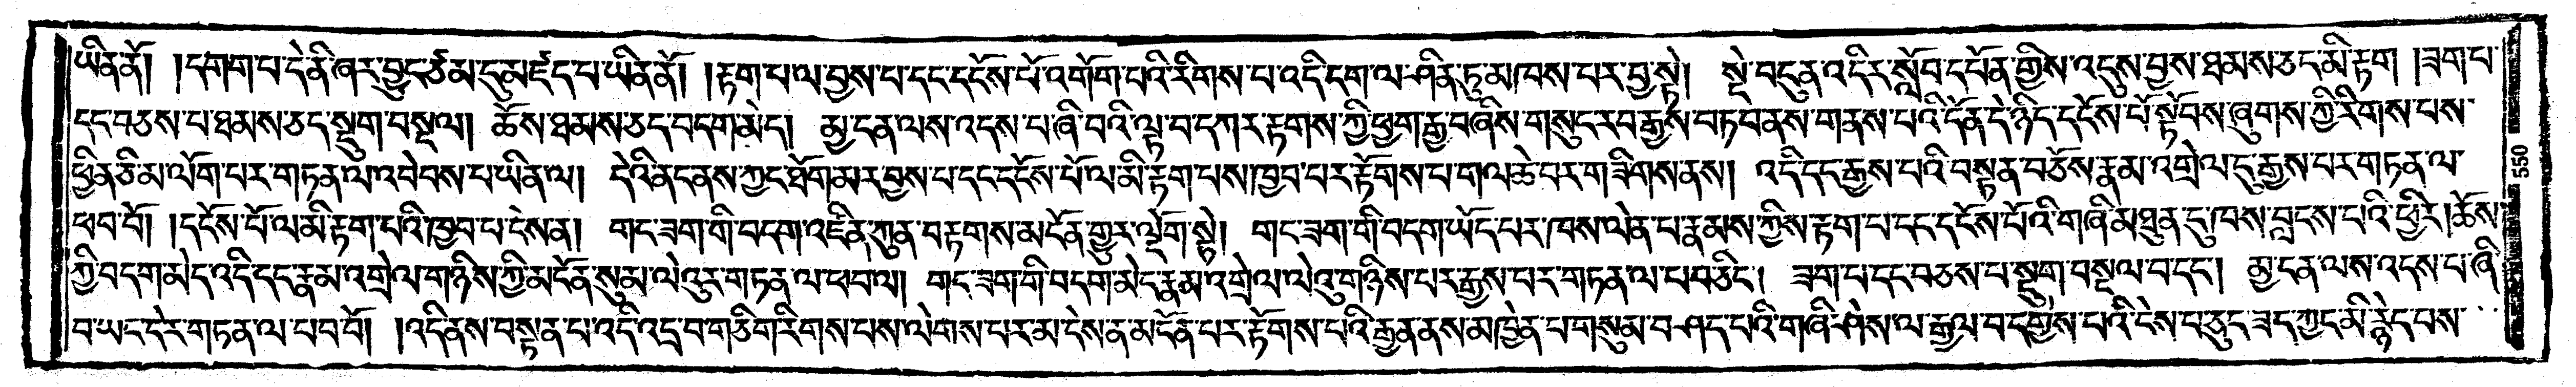ཡིན་ནོ། །དགག་པ་དེ་ནི་ཞར་བྱུང་ཙམ་དུ་མཛད་པ་ཡིན་ནོ། །རྟག་པ་ལ་བྱས་པ་དང་དངོས་པོ་འགོག་པའི་རིགས་པ་འདི་དག་ལ་ཤིན་ཏུ་མཁས་པར་བྱ་སྟེ། སྡེ་བདུན་འདིར་སློབ་དཔོན་གྱིས་འདུས་བྱས་ཐམས་ཅད་མི་རྟག །ཟག་པ་
དང་བཅས་པ་ཐམས་ཅད་སྡུག་བསྔལ། ཆོས་ཐམས་ཅད་བདག་མེད། མྱ་ངན་ལས་འདས་པ་ཞི་བའི་ལྟ་བ་དཀར་རྟགས་ཀྱི་ཕྱག་རྒྱ་བཞིས་གསུང་རབ་རྒྱས་བཏབ་ནས་གནས་པའི་དོན་དེ་ཉིད་དངོས་པོ་སྟོབས་ཞུགས་ཀྱི་རིགས་པས་
ཕྱིན་ཅི་མ་ལོག་པར་གཏན་ལ་འབེབས་པ་ཡིན་ལ། དེའི་ནང་ནས་ཀྱང་ཐོག་མར་བྱས་པ་དང་དངོས་པོ་ལ་མི་རྟག་པས་ཁྱབ་པར་རྟོགས་པ་གལ་ཆེ་བར་གཟིགས་ནས། འདི་དང་རྒྱས་པའི་བསྟན་བཅོས་རྣམ་འགྲེལ་དུ་རྒྱས་པར་གཏན་ལ་
ཕབ་བོ། །དངོས་པོ་ལ་མི་རྟག་པའི་ཁྱབ་པ་ངེས་ན། གང་ཟག་གི་བདག་འཛིན་ཀུན་བརྟགས་མངོན་གྱུར་ལྡོག་སྟེ། གང་ཟག་གི་བདག་ཡོད་པར་ཁས་ལེན་པ་རྣམས་ཀྱིས་རྟག་པ་དང་དངོས་པོའི་གཞི་མཐུན་དུ་ཁས་བླངས་པའི་ཕྱིར། ཆོས་
ཀྱི་བདག་མེད་འདི་དང་རྣམ་འགྲེལ་གཉིས་ཀྱི་མངོན་སུམ་ལེའུར་གཏན་ལ་ཕབ་ལ། གང་ཟག་གི་བདག་མེད་རྣམ་འགྲེལ་ལེའུ་གཉིས་པར་རྒྱས་པར་གཏན་ལ་བབ་ཅིང་། ཟག་པ་དང་བཅས་པ་སྡུག་བསྔལ་བ་དང་། མྱ་ངན་ལས་འདས་པ་ཞི་
བ་ཡང་དེར་གཏན་ལ་བབ་?་བོ། །འདི་ནས་བསྟན་པ་འདི་འདྲ་བ་གཅིག་རིགས་པས་ལེགས་པར་མ་དེས་ན་མངོན་པར་རྟོགས་པའི་རྒྱན་ནས་མཁྱེན་པ་གསུམ་བཤད་པའི་གཞི་ཤེས་ལ་རྒྱལ་བ་དགྱེས་པའི་ངེས་པ་ཅུང་ཟད་ཀྱང་མི་རྙེད་པས་